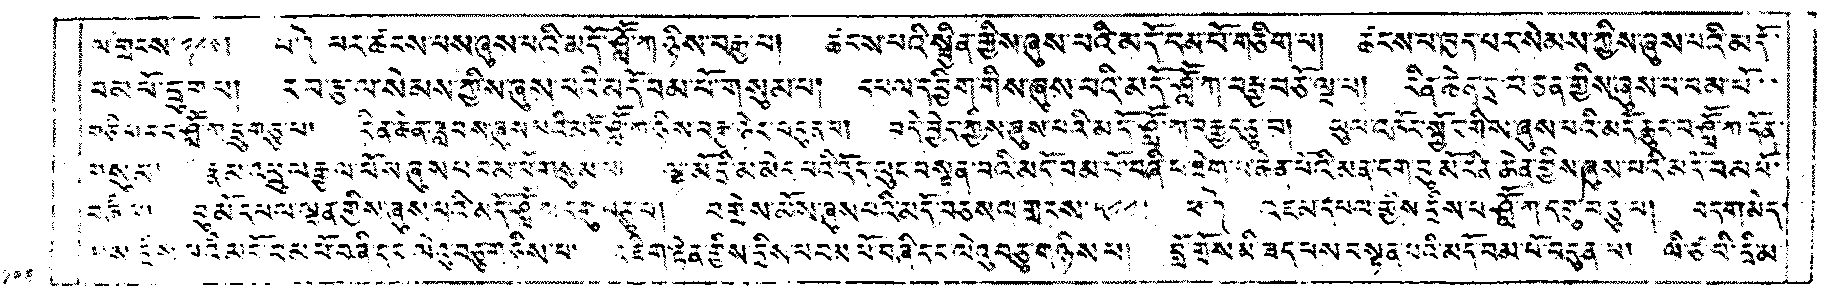ལ་གྲངས ༡༩༤། པ྄་པར་ཚངས་པས་ཞུས་པའི་མདོ་ཤླཽ་ཀ་ཉིས་བརྒྱ་པ། ཚངས་པའི་སྦྱིན་གྱིས་ཞུས་པའི་མདོ་བམ་པོ་གཅིག་པ། ཚངས་པ་ཁྱད་པར་སེམས་ཀྱིས་ཞུས་པའི་མདོ་
བམ་པོ་དྲུག་པ། རབ་རྩལ་སེམས་ཀྱིས་ཞུས་པའི་མདོ་བམ་པོ་གསུམ་པ། དཔལ་དབྱིག་གིས་ཞུས་པའི་མདོ་ཤླཽ་ཀ་བརྒྱ་བཅོ་ལྔ་པ། རིན་ཆེན་དྲ་བ་ཅན་གྱིས་ཞུས་པ་བམ་པོ་
གཅིག་དང་ཤླཽ་ཀ་དྲུག་ཅུ་པ། རིན་ཆེན་ཟླ་བས་ཞུས་པའི་མདོ་ཤླཽ་ཀ་ཉིས་བརྒྱ་ཉེར་བདུན་པ། བདེ་བྱེད་ཀྱིས་ཞུས་པའི་མདོ་ཤླཽ་ཀ་བརྒྱད་ཅུ་པ། ཡུལ་འཁོར་སྐྱོང་གིས་ཞུས་པའི་མདོ་ཆུང་བ་ཤླཽ་ཀ་དོན་
གསུམ། རྣམ་འཕྲུལ་རྒྱལ་པོས་ཞུས་པ་བམ་པོ་གསུམ་པ། ལྷ་མོ་དྲི་མ་མེད་པའི་འོད་ལུང་བསྟན་པའི་མདོ་བམ་པོ་བཞི་པ་ཐེག་པ་ཆེན་པོའི་མན་ངག་བུ་མོ་རིན་ཆེན་གྱིས་ཞུས་པའི་མདོ་བམ་པོ་
བཞི་པ། བུ་མོ་དཔལ་ལྡན་གྱིས་ཞུས་པའི་མདོ་ཤླཽ་ཀ་དགུ་བཅུ་པ། བགྲེས་མོས་ཞུས་པའི་མདོ་བཅས་ལ་གྲངས ༥༡༡། ཕ྄་འཇམ་དཔལ་གྱིས་དྲིས་པ་ཤླཽ་ཀ་དགུ་བཅུ་པ། བདག་མེད་
པས་དྲིས་པའི་མདོ་བམ་པོ་བཞི་དང་ལེའུ་བཅུ་གཉིས་པ། འཇིག་རྟེན་གྱིས་དྲིས་པ་བམ་པོ་བཞི་དང་ལེའུ་བཅུ་གཉིས་པ། བློ་གྲོས་མི་ཟད་པས་བསྟན་པའི་མདོ་བམ་པོ་བདུན་པ། ལི་ཙ་བི་དྲི་མ་